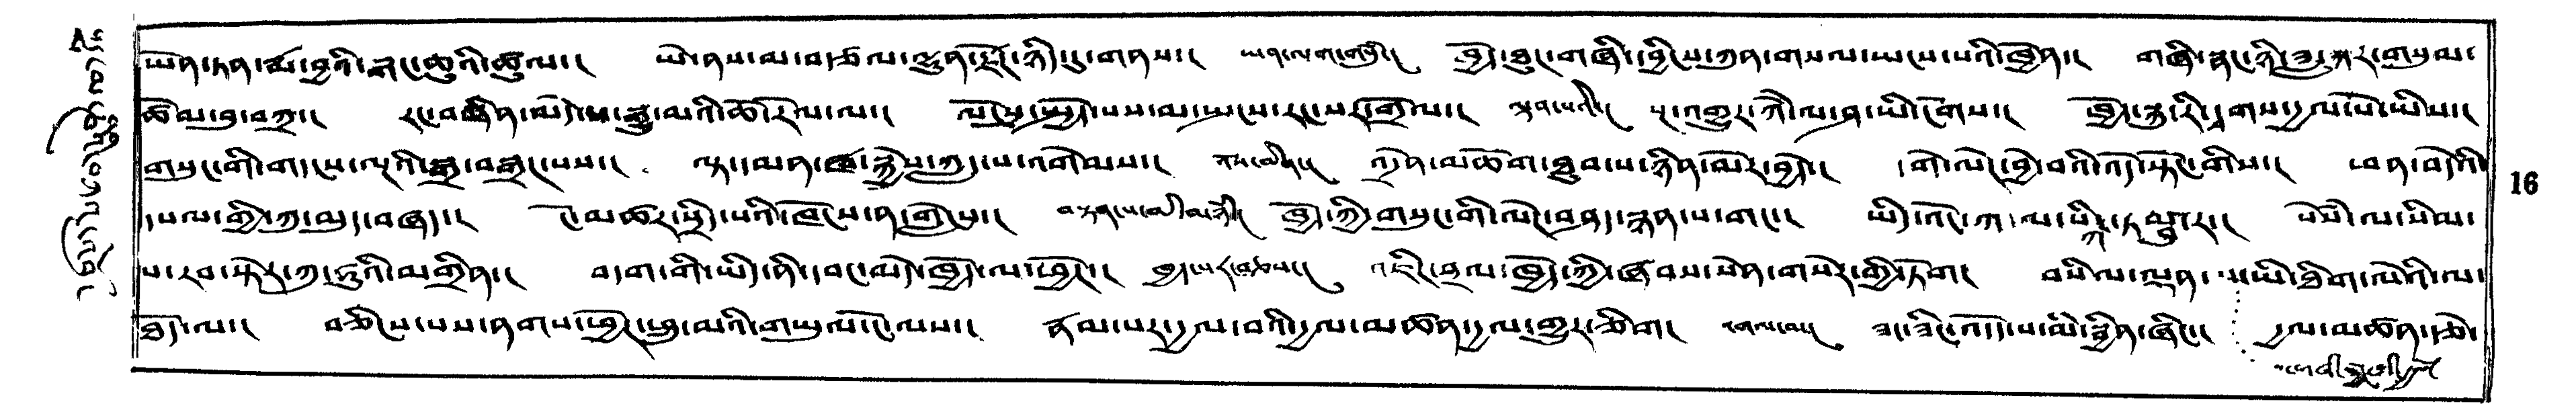ཡོན་ཏན་རྨ་བྱའི་སྒང་ཆུའི་ཚུལ། །ཡེ་ནས་མ་བརྩལ་ལྷུན་རྫོགས་ཉིད་དུ་གནས། ། ཡན་ལག་གསུམ། ཁྱོད་ཐུགས་གཞི་དབྱིངས་ཀུན་གསལ་ཡངས་པའི་ཁྱོན། །གཞི་སྣང་ཉི་ཟླ་སྐར་གསུམ་
ཚོམ་བུ་བཀྲ། །རང་བཞིན་མེད་པ་སྒྱུ་མའི་ཆོ་རོལ་ལ། །ལོངས་སུ་སྤྱོད་པས་མ་སྤངས་རང་སར་གྲོལ། ། ལྡན་པའི། སྔ་འགྱུར་ཀཻ་ལ་ཤ་ཡི་ངོགས། །ཁྱོད་སྐུ་རི་དྭགས་རྒྱལ་པོ་ཡིས། །
གསུང་གི་གདོང་ལྔའི་སྒྲ་བསྒྲགས་པས། །ལྟ་མན་ཝ་སྐྱེས་ཀླད་པ་འགེམས། ། འོས་མིན།འདྲེན་མཆོག་ཐུབ་པ་ཉིན་མོར་བྱེད། །དགེ་ལེགས་བྱེ་བའི་འོད་སྟོང་གིས། །ཕན་བདེའི་
དཔལ་གྱི་ཀུ་མུད་བཞད། །ངོ་མཚར་སྲིད་པའི་ཁོངས་ན་གླེངས། ། བསྟནཔ་མི་མཉམ། ཁྱོད་ཀྱི་གསུང་གི་ལེགས་བཤད་སྙན་པ་གང་། །ཡིད་འོང་ཀ་ལ་པིངྐ་ཏམྦུ་ར། །སེམས་ལ་སིམ་
པ་རབ་སྟེར་ཀུ་ཧུའི་མགྲིན། །བདག་གི་ཡིད་ནི་དབང་མེད་ཁྱོད་ལ་ཕྱོགས། ། ཁྱད་པར་བཅས། འཇིགས་བྲལ་ཁྱོད་ཀྱི་ཞབས་སེན་གསེར་གྱི་ཏོག བསིལ་ལྡན་ས་ཡི་ཐིག་ལེའི་ལ་
ཐོད་ལ། ། ས་གཞི་སྐྱོང་བའི་རྒྱལ་པོ། བཅིངས་པས་ནག་ཕྱོགས་ཕྲུ་མའི་གཡུལ་ངོ་ལས། །རྣམ་པར་རྒྱལ་བའི་རྒྱལ་མཚན་རྒྱལ་གྱུར་ཅིག ། འགལ་བ། ཟང་ཟིང་འདོད་པ་མི་སྦྱིན་ཞིང་། །རྒྱལ་མཚན་རྩེ་